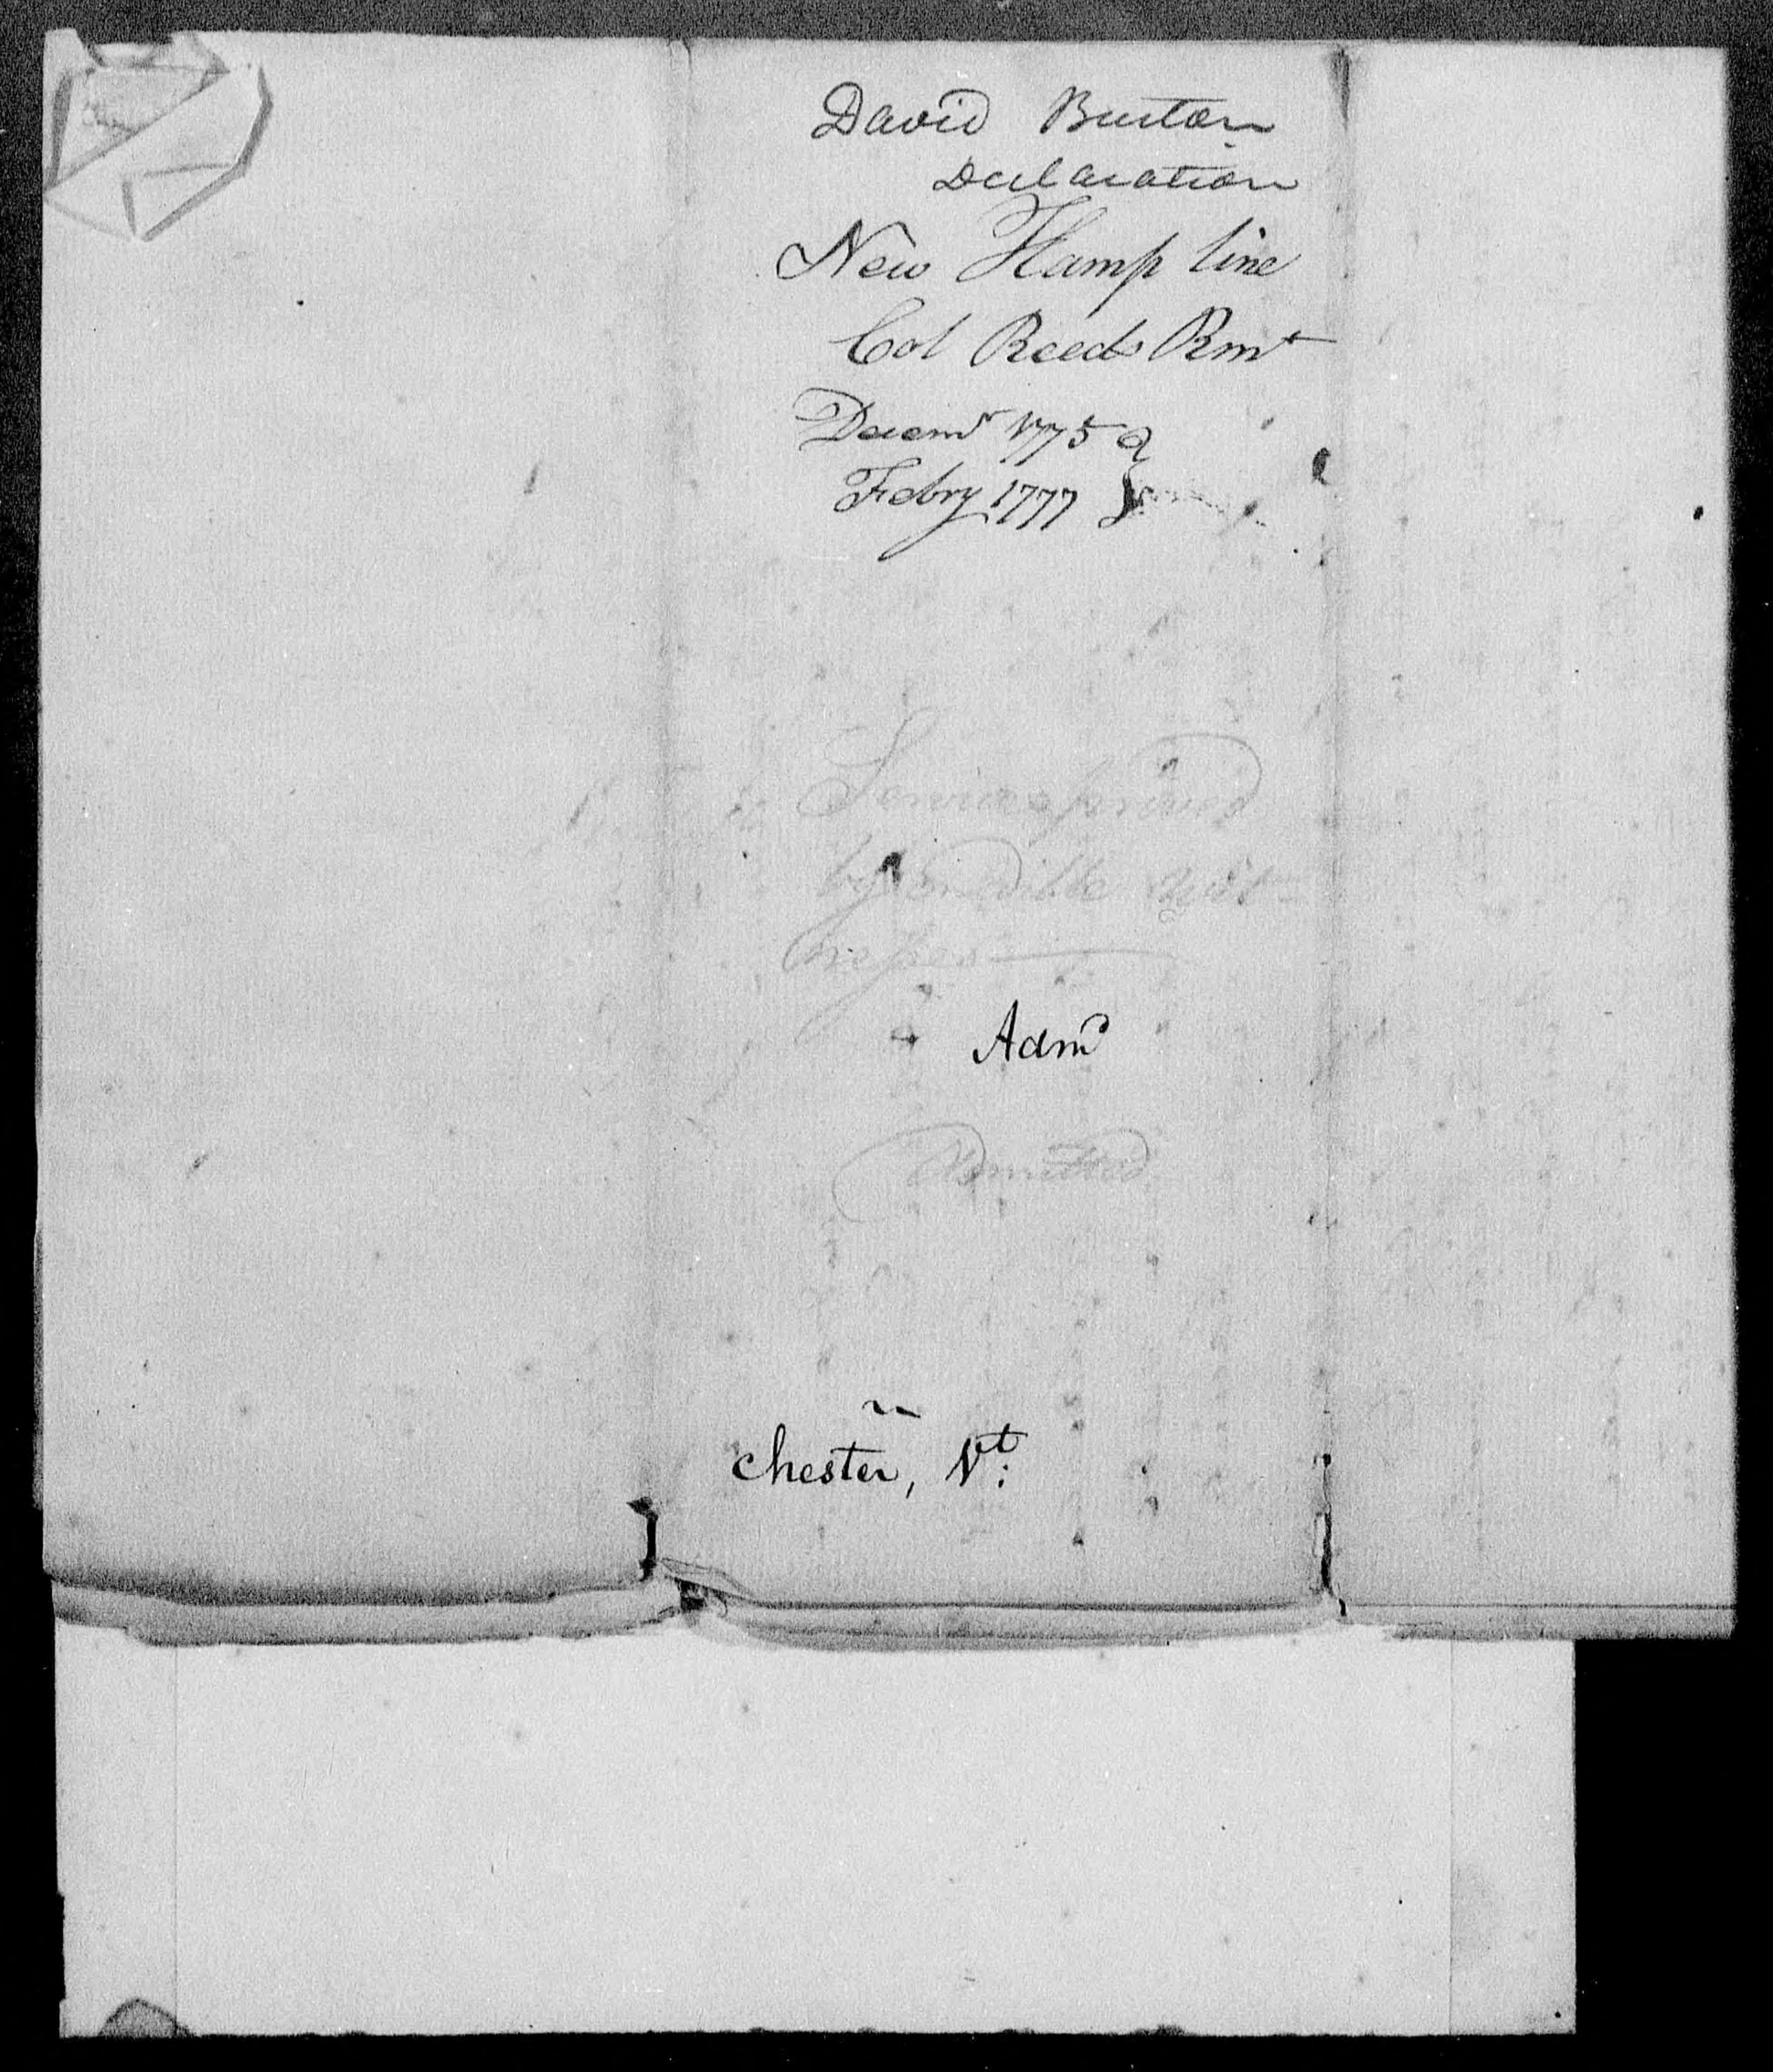David Burton
Declaration
New Hamp line
Col Reed's Regt
December 1775
February 1777

Service proved by credible witnesses
Adm'd
Admitted

Chester, VT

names: David Burton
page: 4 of 18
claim: survivor's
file: S. 40773, David Burton, N.H.